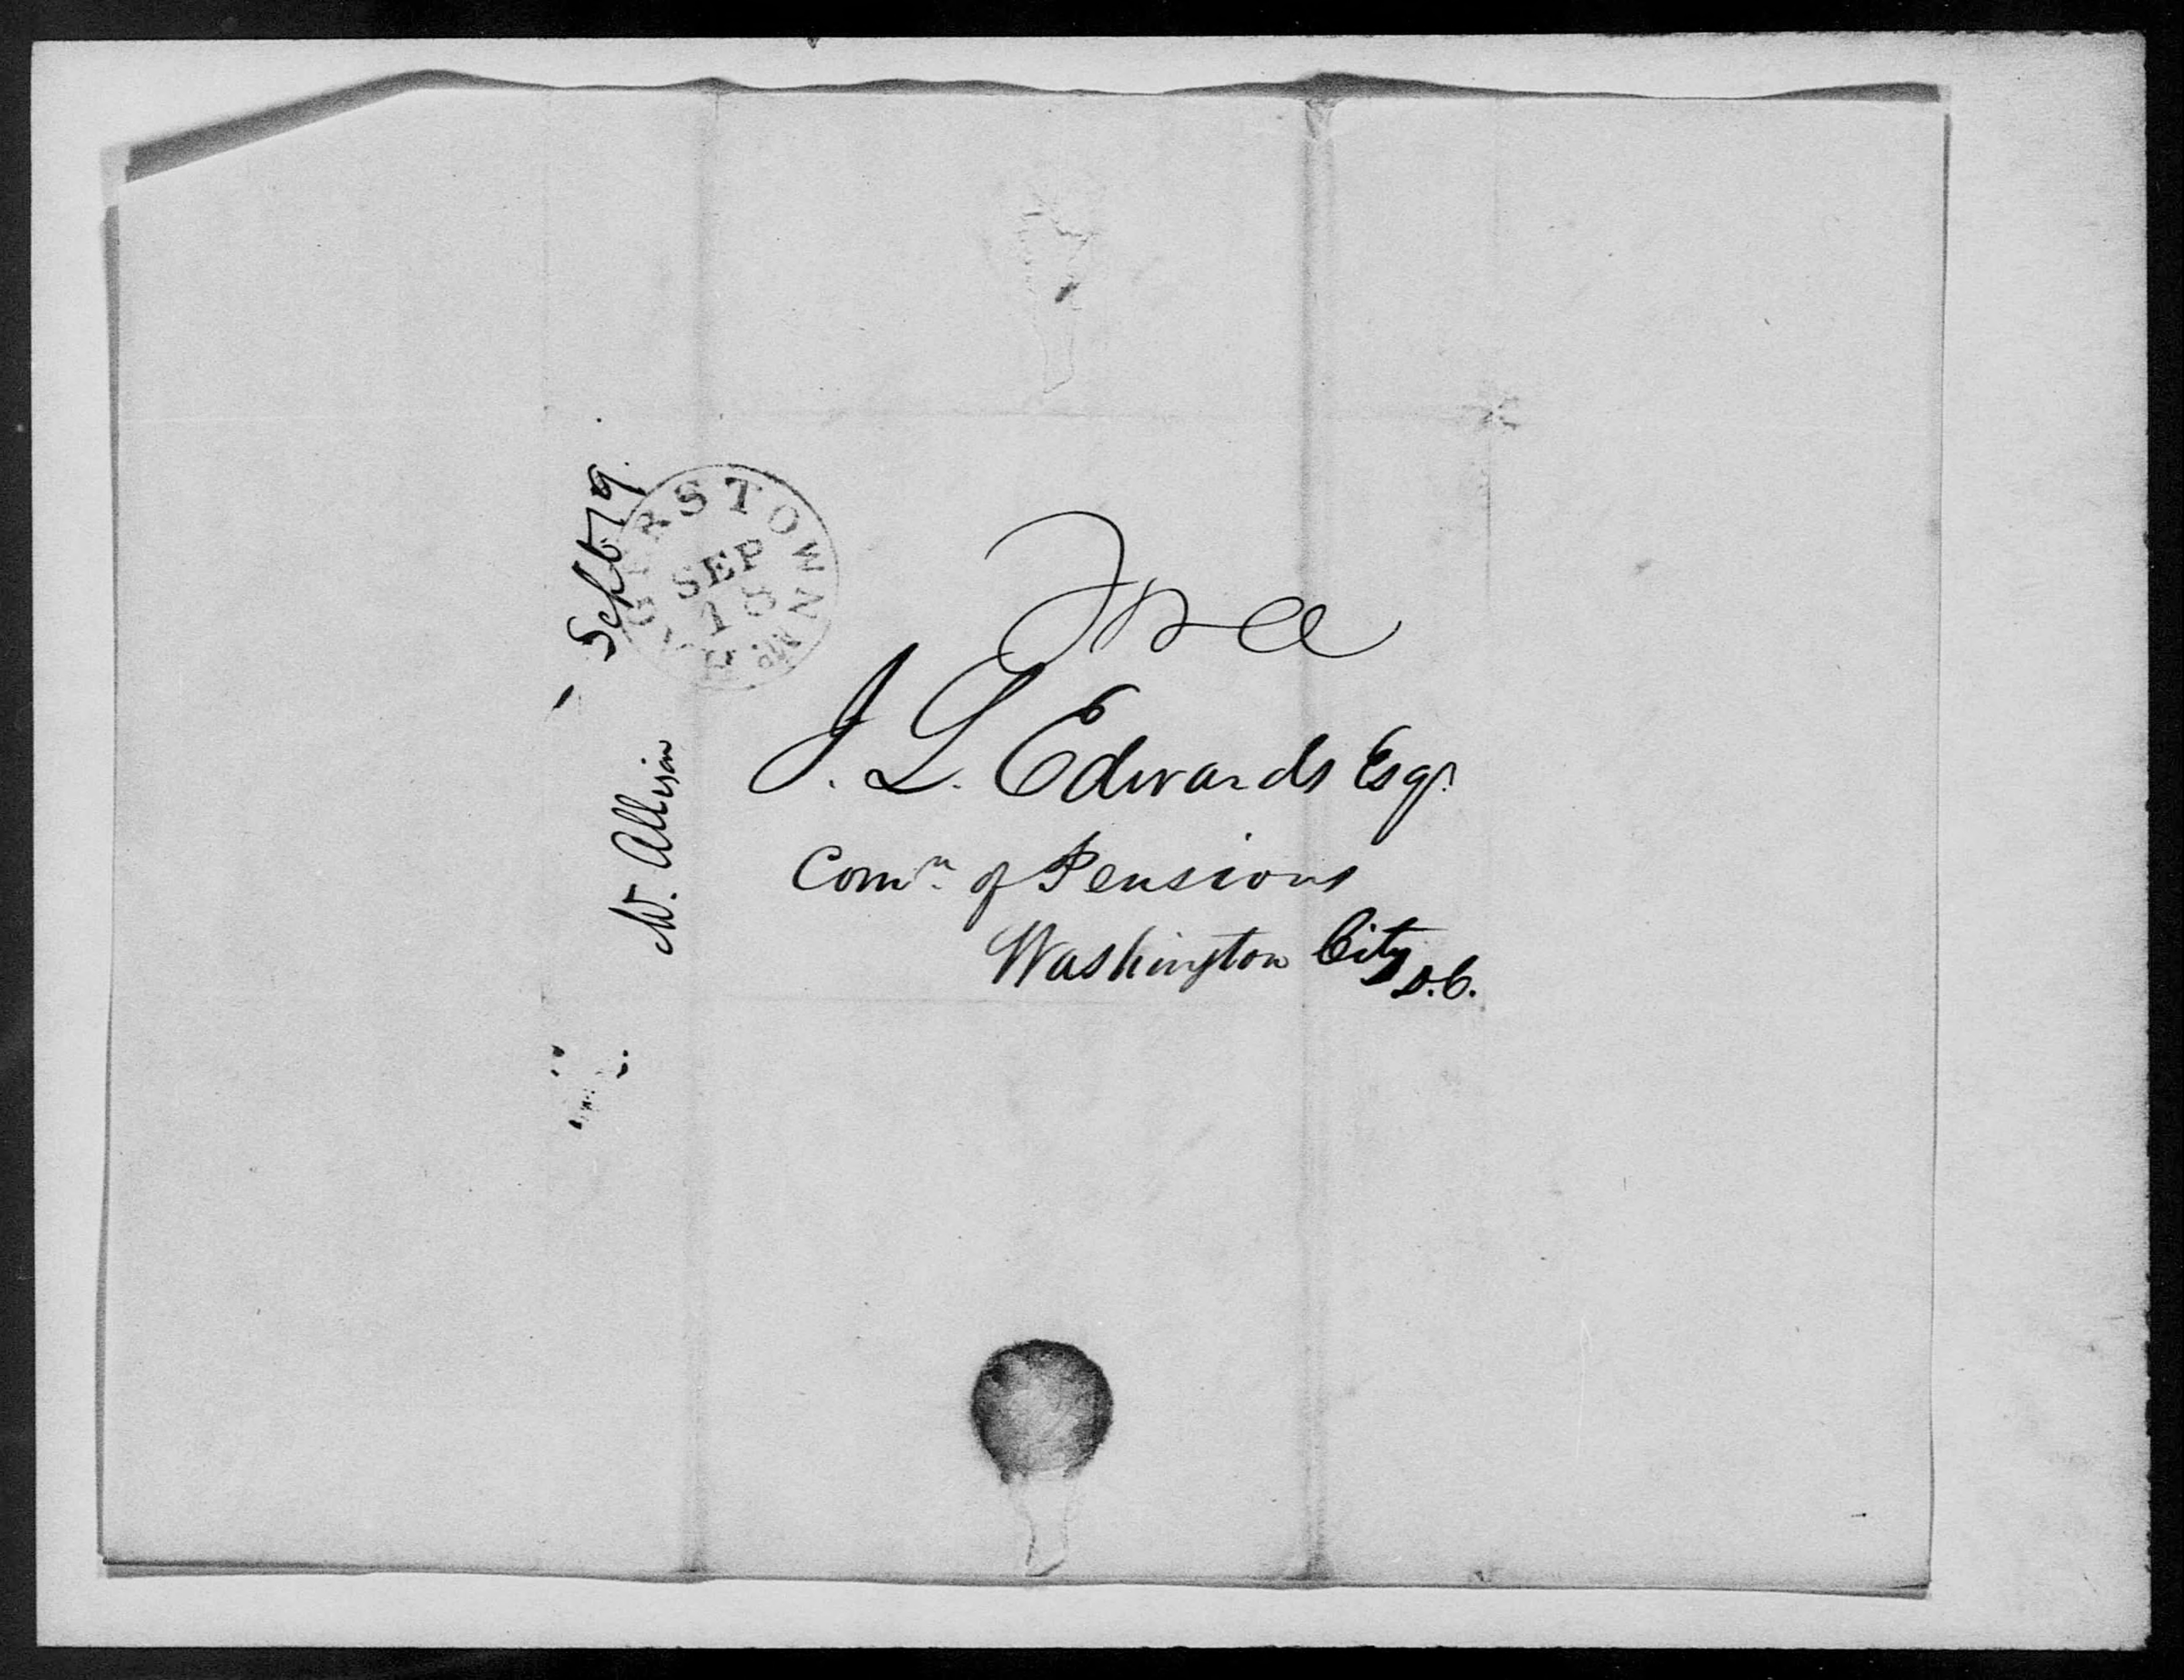[envelope]
[black circle stamp: HAGERSTOWN MP
SEP
18]
Free
J. L. Edwards Esq.
Comm. of Pensions
Washington City
D.C.

[vertically on page: W. Allison  Scht 79]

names: J L Edwards, Allison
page: 19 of 22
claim: survivor's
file: S. 9,199, George Corley, Md.